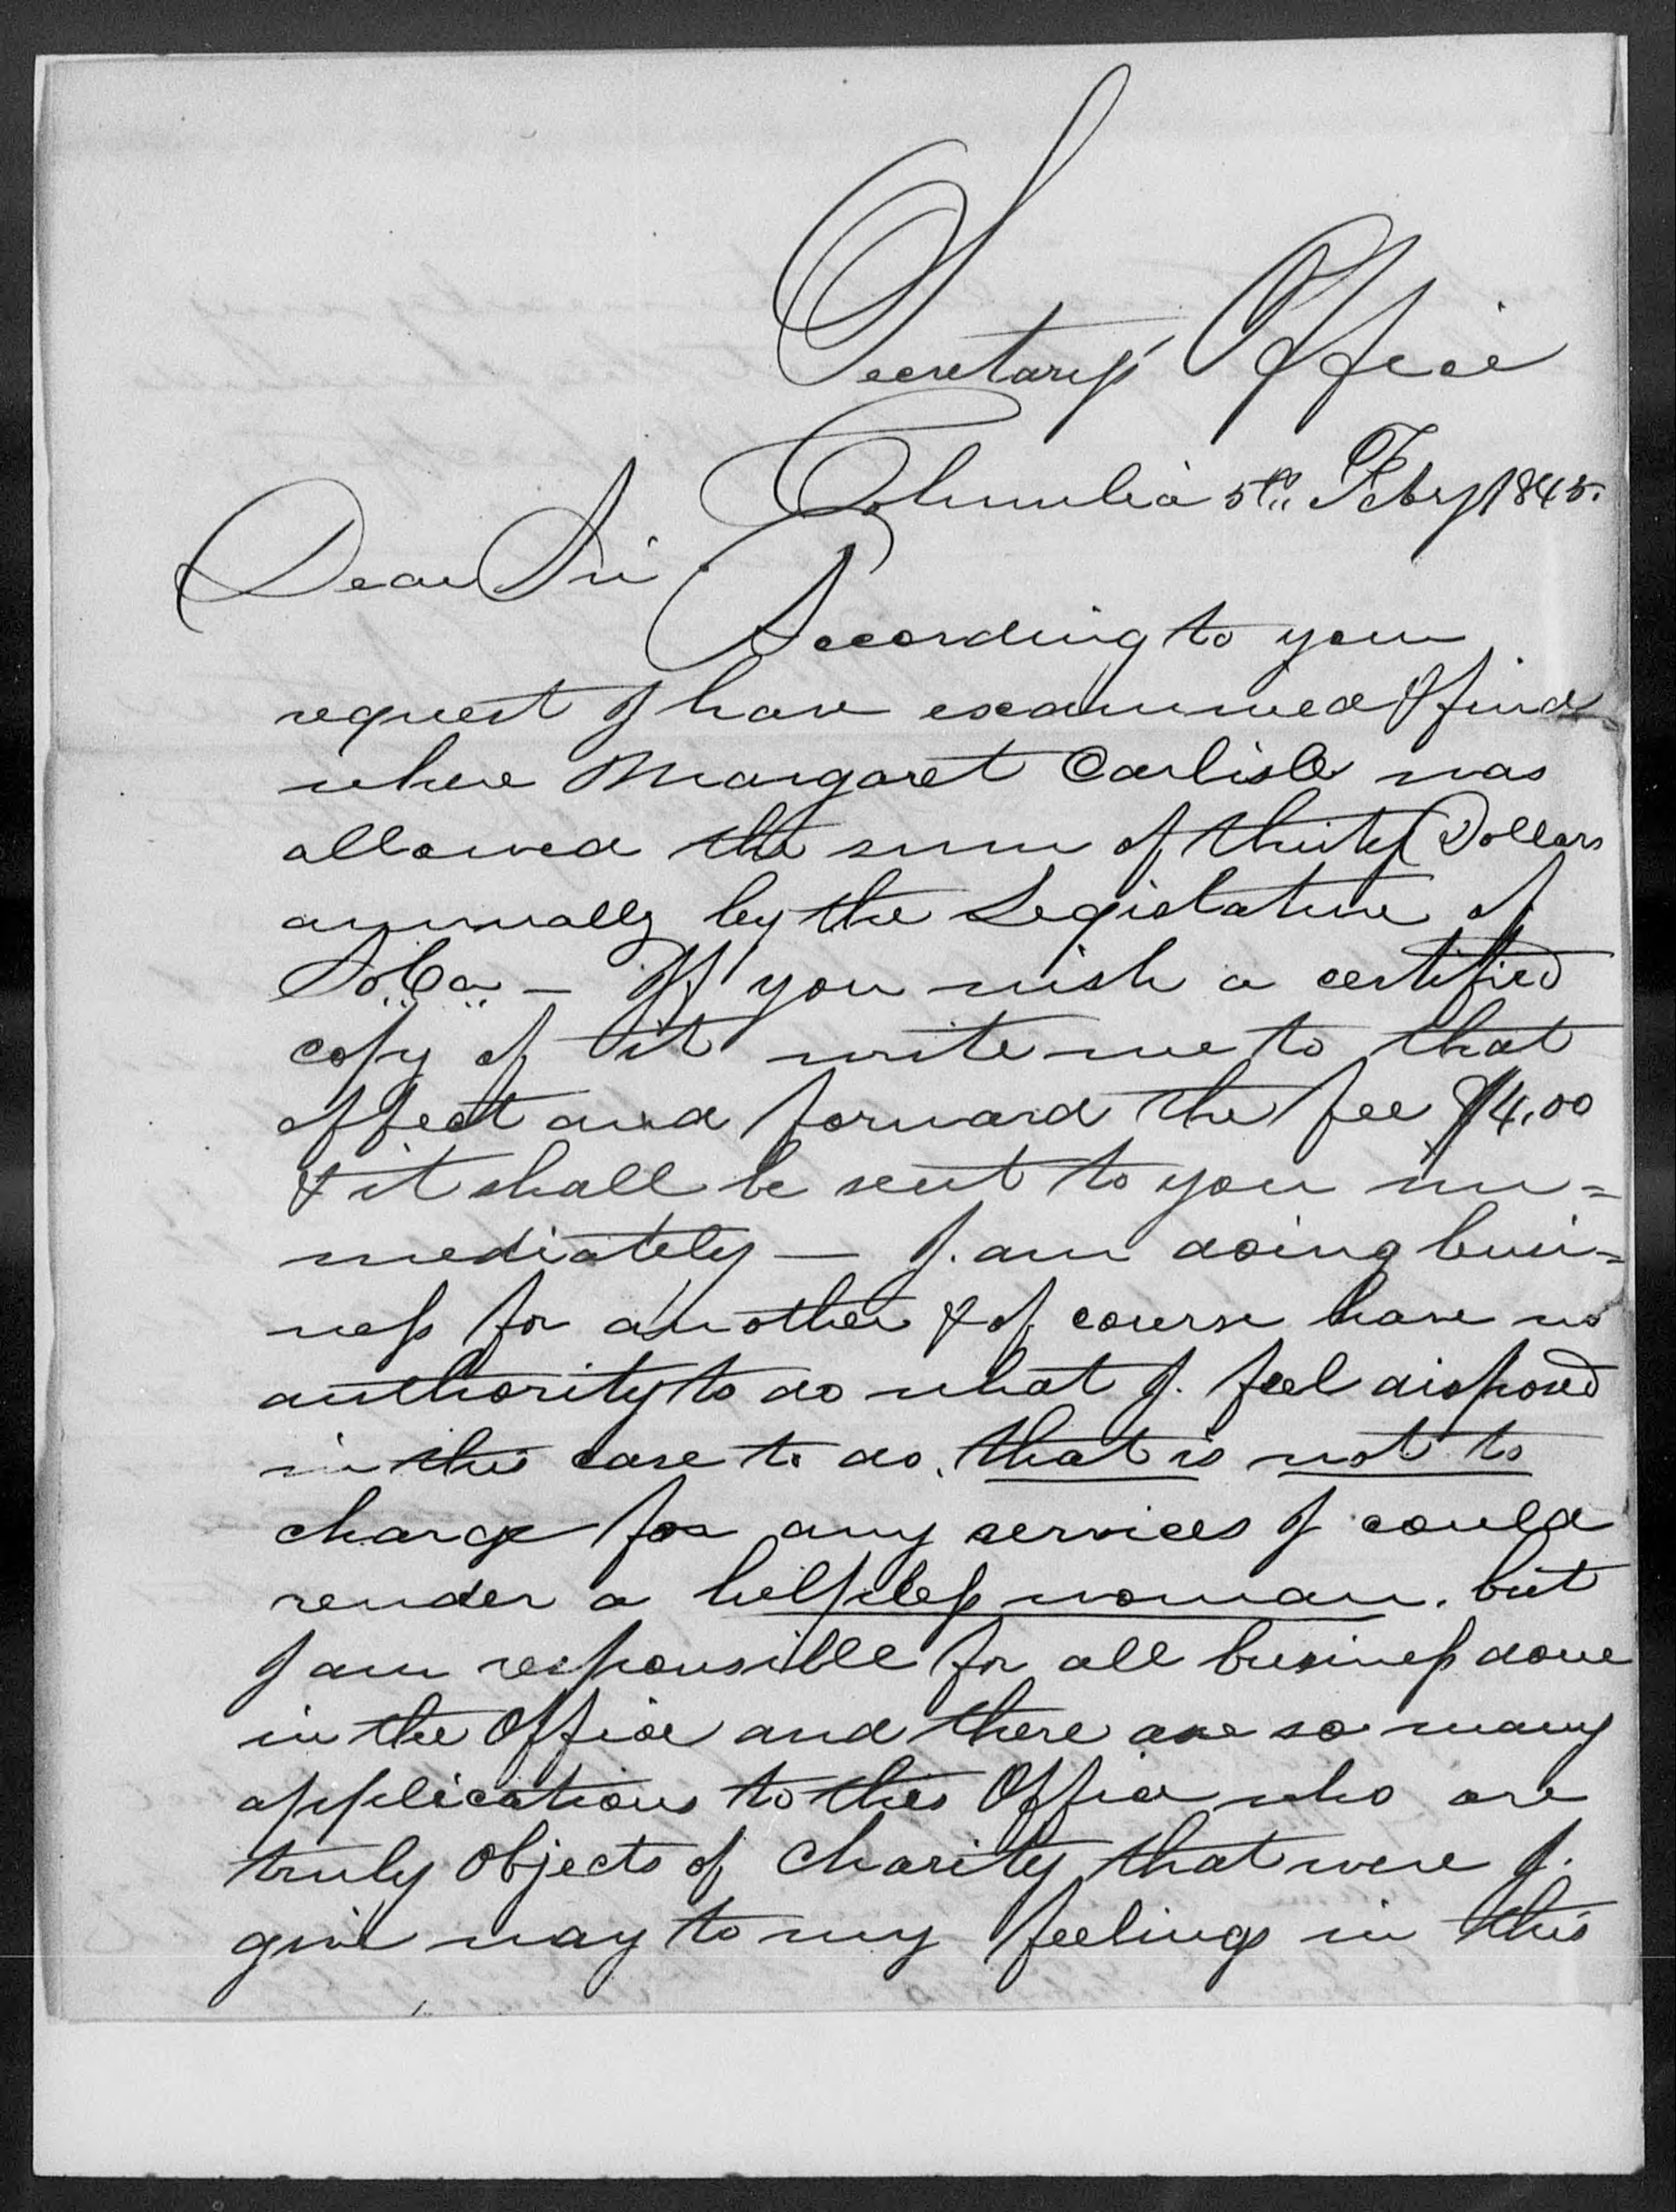Secretary's Office
Columbia 5th Febry 1845.
Dear Sir
According to your request I have examined &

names: Margaret Carlisle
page: 79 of 91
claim: widow's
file: W. 10576, Francis Carlisle, S.C.